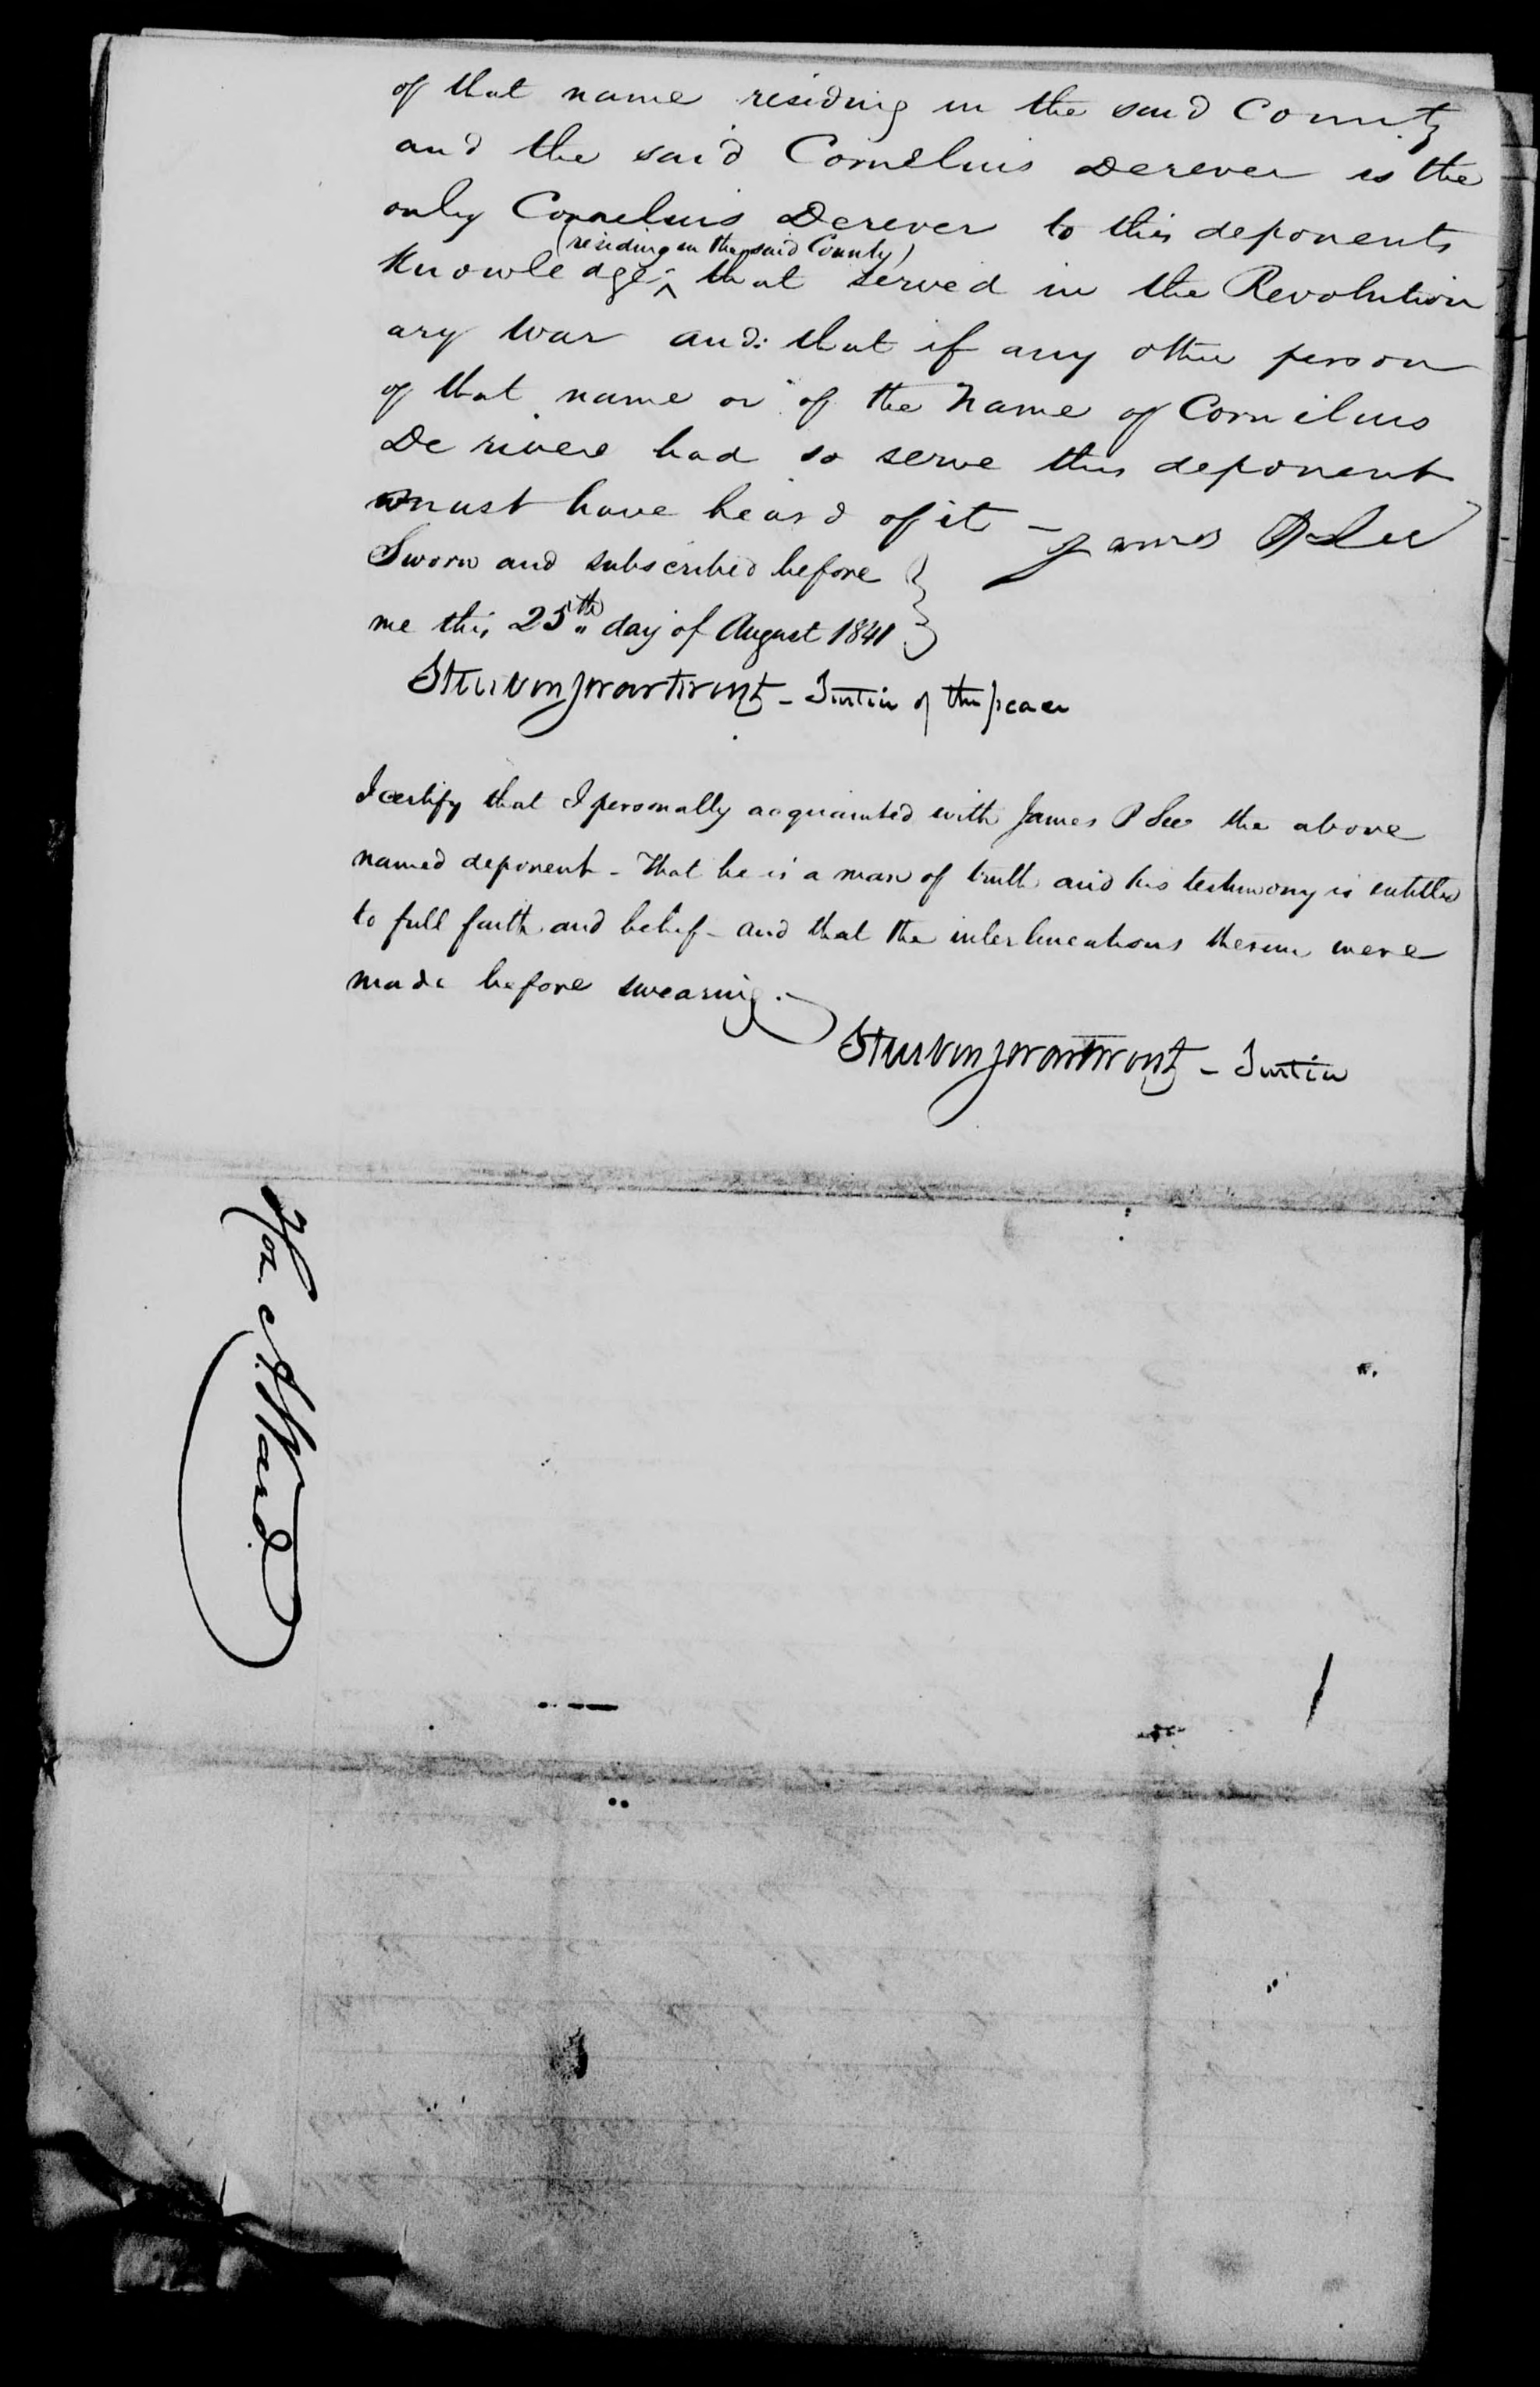of that name residing in the said county and the said Cornelius Derever is the only Cornelius Derever to this deponents knowledge ^ (residing in the said County) that served in the Revolutionary War and that if any other person of that name or of the Name of Cornelius Derivere had so serve this deponent must have heard of it - [signed] James P See
Sworn and subscribed before me this 25th day of August 1841}
[signed] Steuben Swartwout - Justice of the peace

I certify that I personally acquainted with James P See the above named deponent - That he is a man of truth and his testimony is entitled to full faith and belief - and that the interlineations therein were made before swearing.
[signed] Steuben Swartwout - Justice

Hon. A. Ward [signed]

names: Cornelius Derever, Steuben Swartwout, James P See, A Ward, Steuben Swartwout, Cornelius Derever, James P See, Cornelius De Rivere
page: 35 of 40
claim: widow's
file: W. 24057, Cornelius De Revere, New York